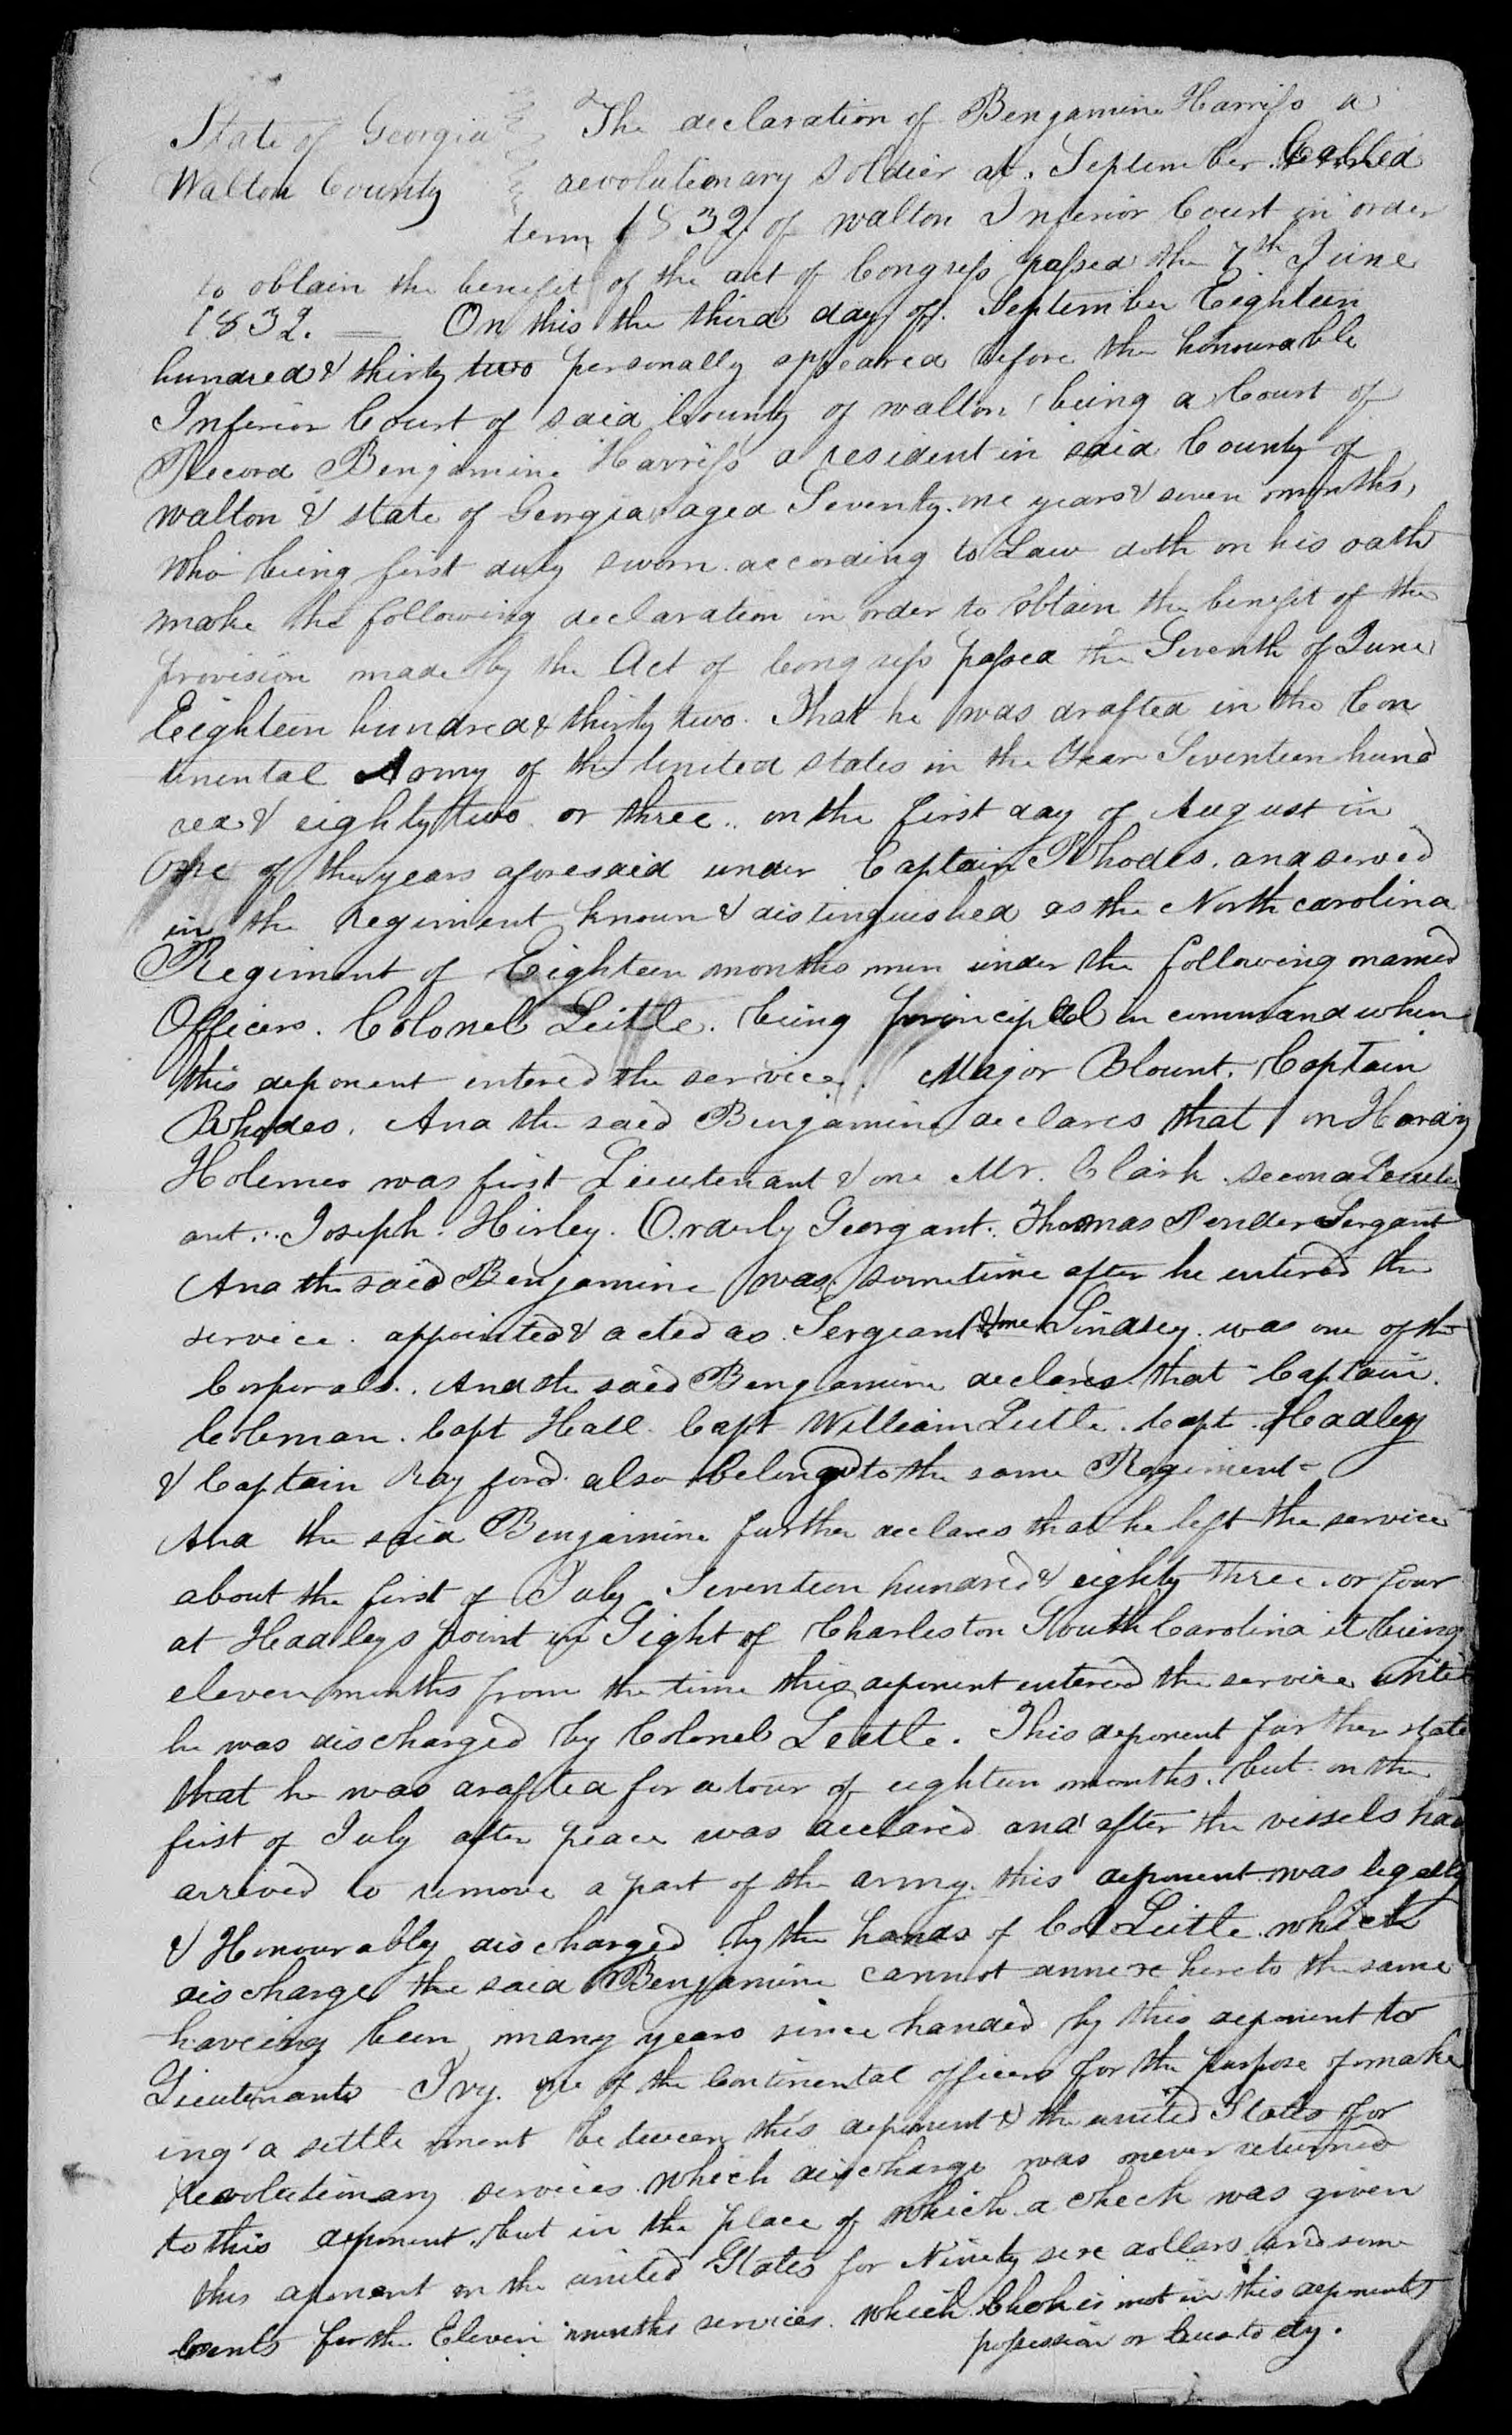State of Georgia Walton County }
The declaration of Benjamin Harriss a revolutionary soldier at September called Term 1832 of Walton Inferior Court in order to obtain the benefit of the act of Congress passed the 7th June 1832.  On this the third day of September Eighteen hundred & thirty two personally appeared before the honourable Inferior Court of said County of Walton being a Court of Record Benjamin Harriss a resident in said County of Walton & State of Georgia aged Seventy one years & seven months, who being first duly sworn according to Law doth on his oath make the following declaration in order to obtain the benefit of the provision made by the Act of Congress passed the Seventh of June Eighteen hundred & thirty two. 

That he was drafted in the Continental Army of the United States in the year Seventeen hundred & eighty two or three on the first day of August in one of the years aforesaid under Captain Rhodes, and served in the Regiment known & distinguished as the North Carolina Regiment of Eighteen months men under the following named Officers Colonel Little, being principled in command when this deponent entered the service Major Blount, Captain Rhodes. And the said Benjamin declares that Hardy Holmes was first Lieutenant & one Mr. Clark second and Joseph Hirley. Orderly Seargeant Thomas Pender Sergant.  And the said Benjamin was sometime after he entered the service appointed & acted as Sergeant & Lindsey, was one of the Corporals. And the said Benjamin declares that Captain Coleman. Capt Hall, Capt William Little, Capt Hadley, & Captain Rayford also belonged to the same Regiment. 

And the said Benjamin further declares that he left the service about the first of July Seventeen hundred & eighty three or four at Hadleys point in sight of Charleston South Carolina it being eleven months from the time this deponent entered the service until he was discharged by Colonel Little. This deponent further state that he was drafted for a tour of eighteen months, but on the first of July after peace was declared and after the vessels had arrived to remove a part of the army. this deponent was legally Honourably discharged by the hands of Col Little which discharged the said Benjamin cannot annext hereto the same haveing been many years since handed by this deponent to Lieutenant Ivy one of  the Continental officers for the purpose of makeing a settlement between this deponent & the United States for Revolutionary services which discharge was never returned to this deponent, but in the place of which a check was given to  this deponent in the United States for Ninety six dollars and some Cents for the Eleven months services which Check is not in this deponents possession Custody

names: Benjamine Harriss, William Leitle, Haray Holemes, Benjamine, Lindsey, Rhodes, Rayford, Leitle, Rhodes, Sergant, Benjamine Harriss, Benjamine, Orarly Seargant, Coleman, Benjamine, Clark, Hadley, Leitle, Benjamine, Hall, Thomas Pender, Benjamine, Leitle, Blount, Ivy, Joseph Hisley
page: 15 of 62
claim: survivor's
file: S. 38816, Benjamin Harris, Mass.